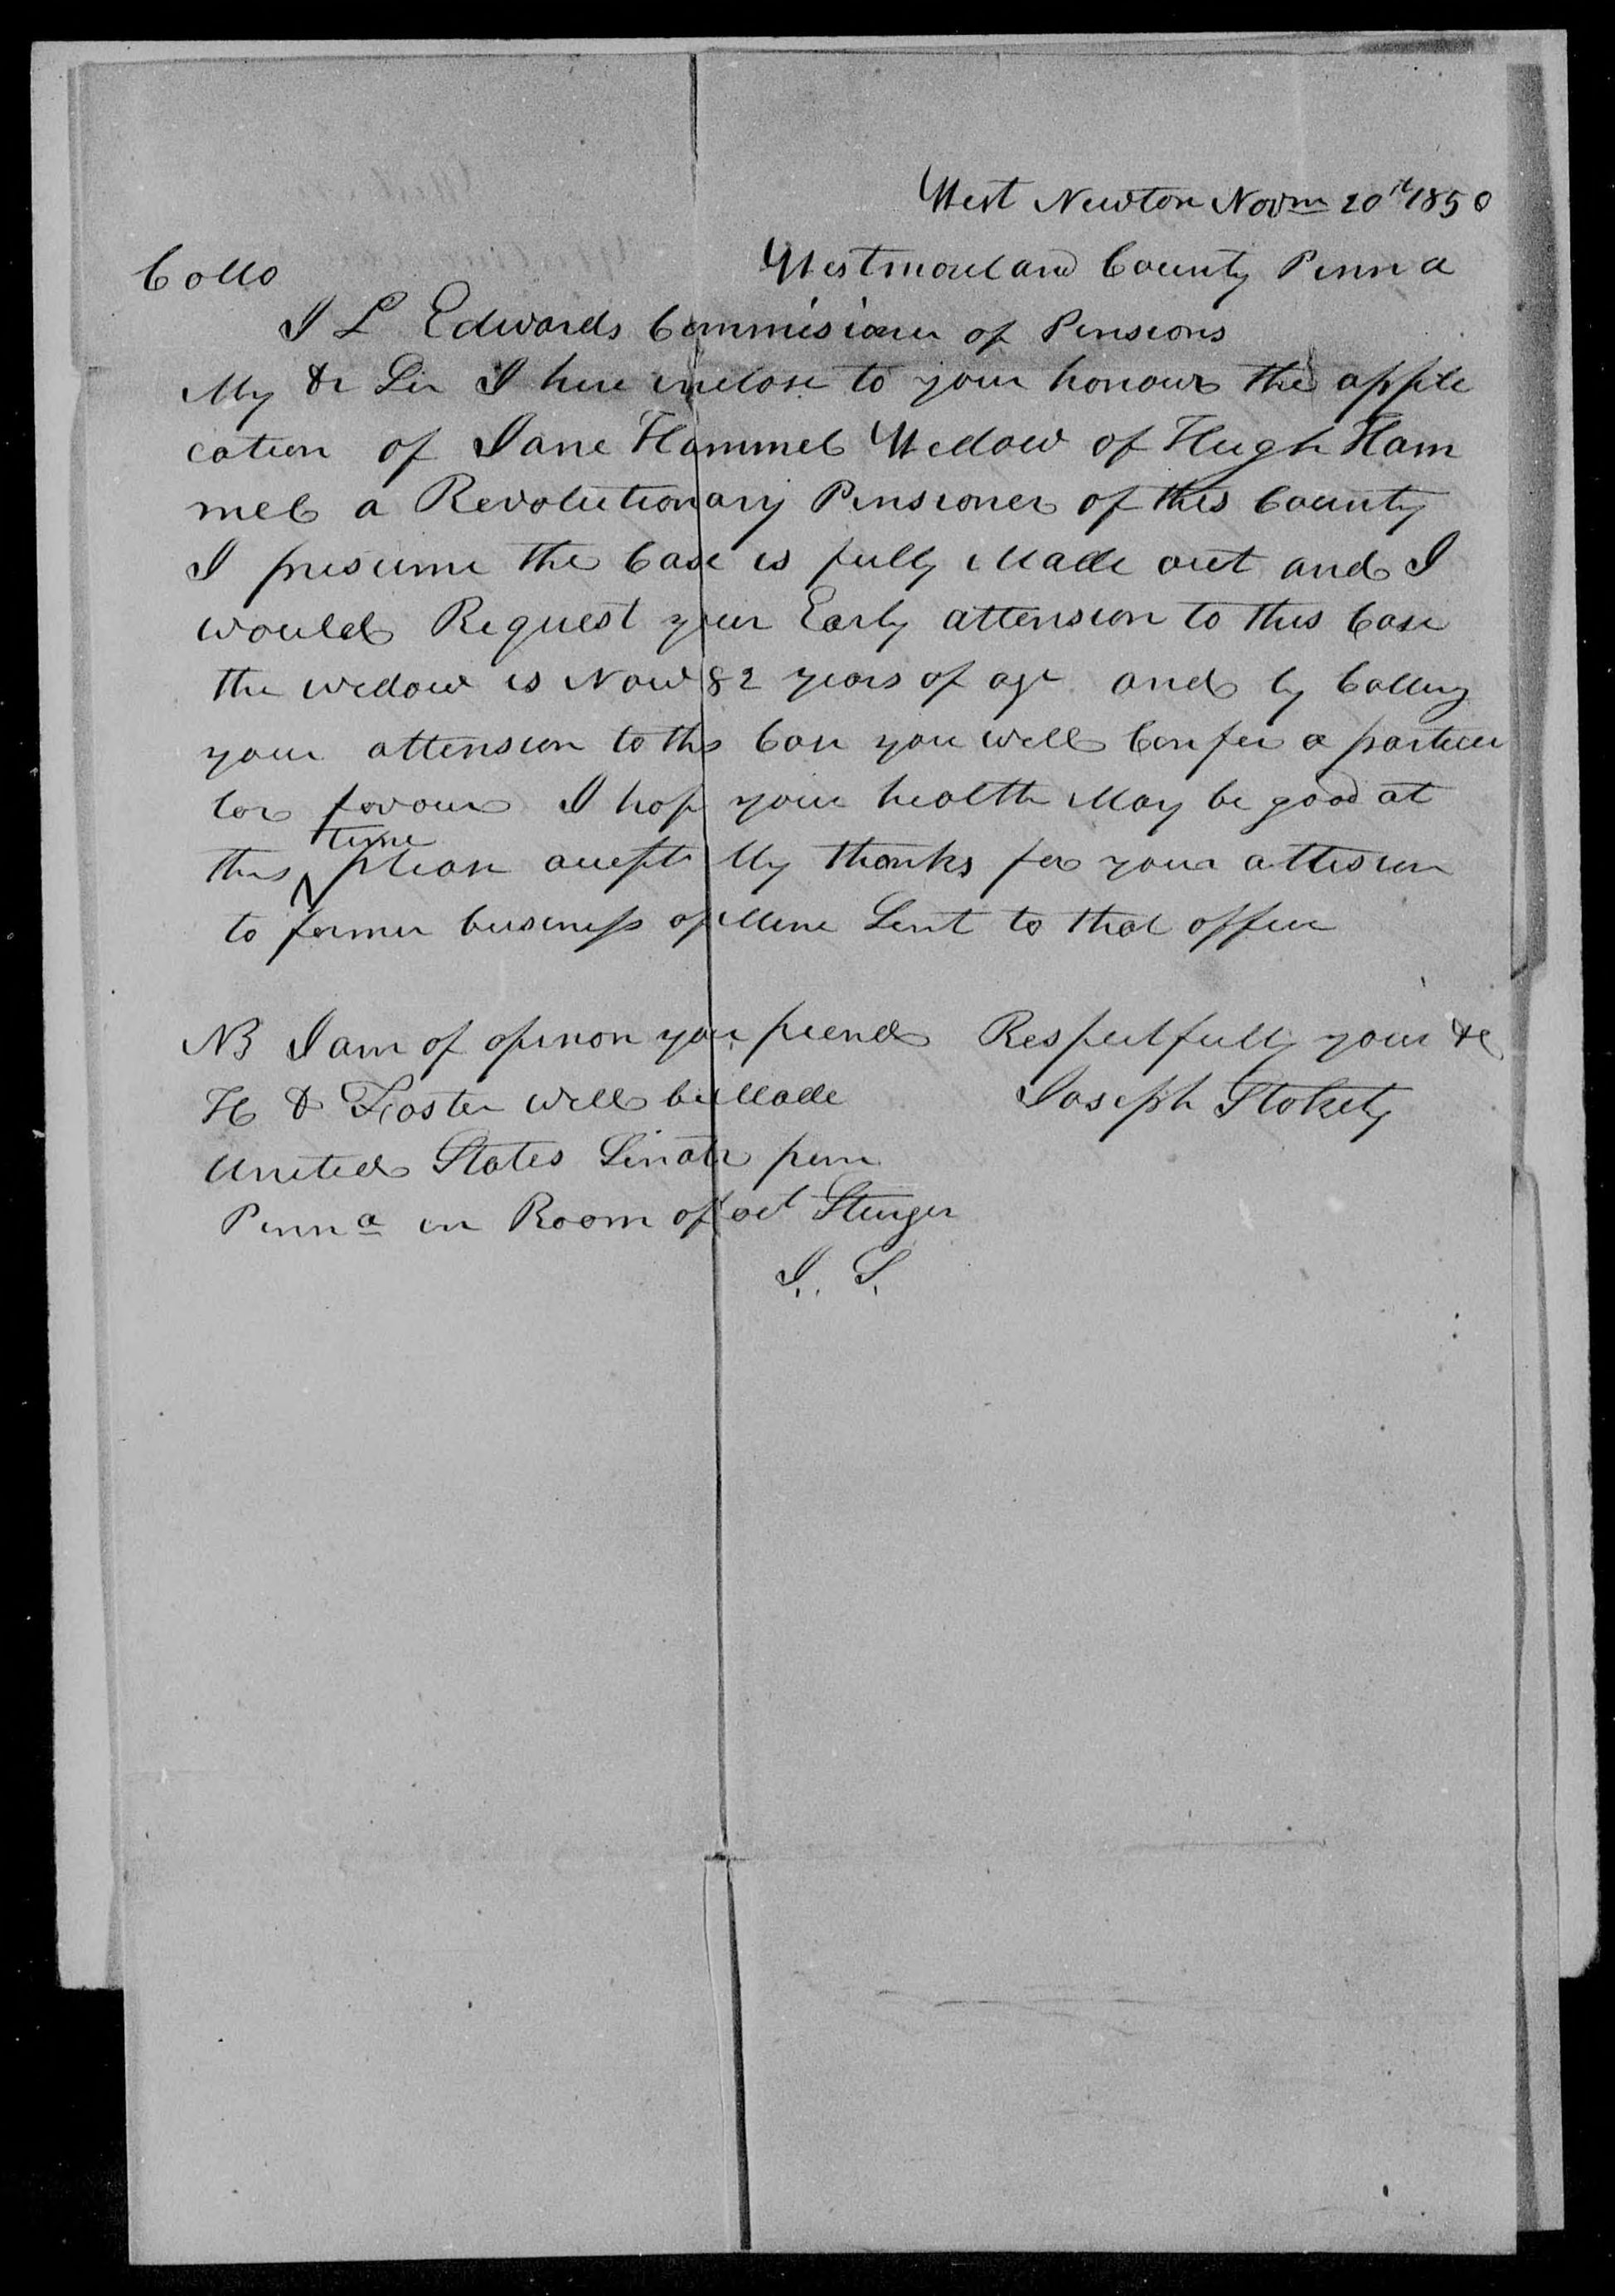West Newton Nov'm 20th 1850
Westmoreland County, Penn'a.

(??)

  I L. Edwards Commissioner of Pensions
My  (??) I here (??) to your honour the application of Jane Hannel widow of Hugh Hammel a Revolutionary Pensioner of this county I presume the case is fully made out and I would request your early attension to this case.  The widow is now 82 years of age and by calling your attension to the case you will confer a particular favour I hope your health may be good at this time (??) offer my thanks for your attension to former business (??) sent to that office.
                                   Respectfully your tc
                                                 //ss/
                                      Joseph Stokley
NB I am of opinion your friend
H D Foster will be made United
States Senator from Penn'a in room 
of  (??) Stuyer.
                            I. S.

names: H D Foster, J L Edwards, Joseph Stokely, Jane Hammel, Hugh Hammel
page: 91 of 92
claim: widow's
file: W 1173, Robert Hamill, Penn.